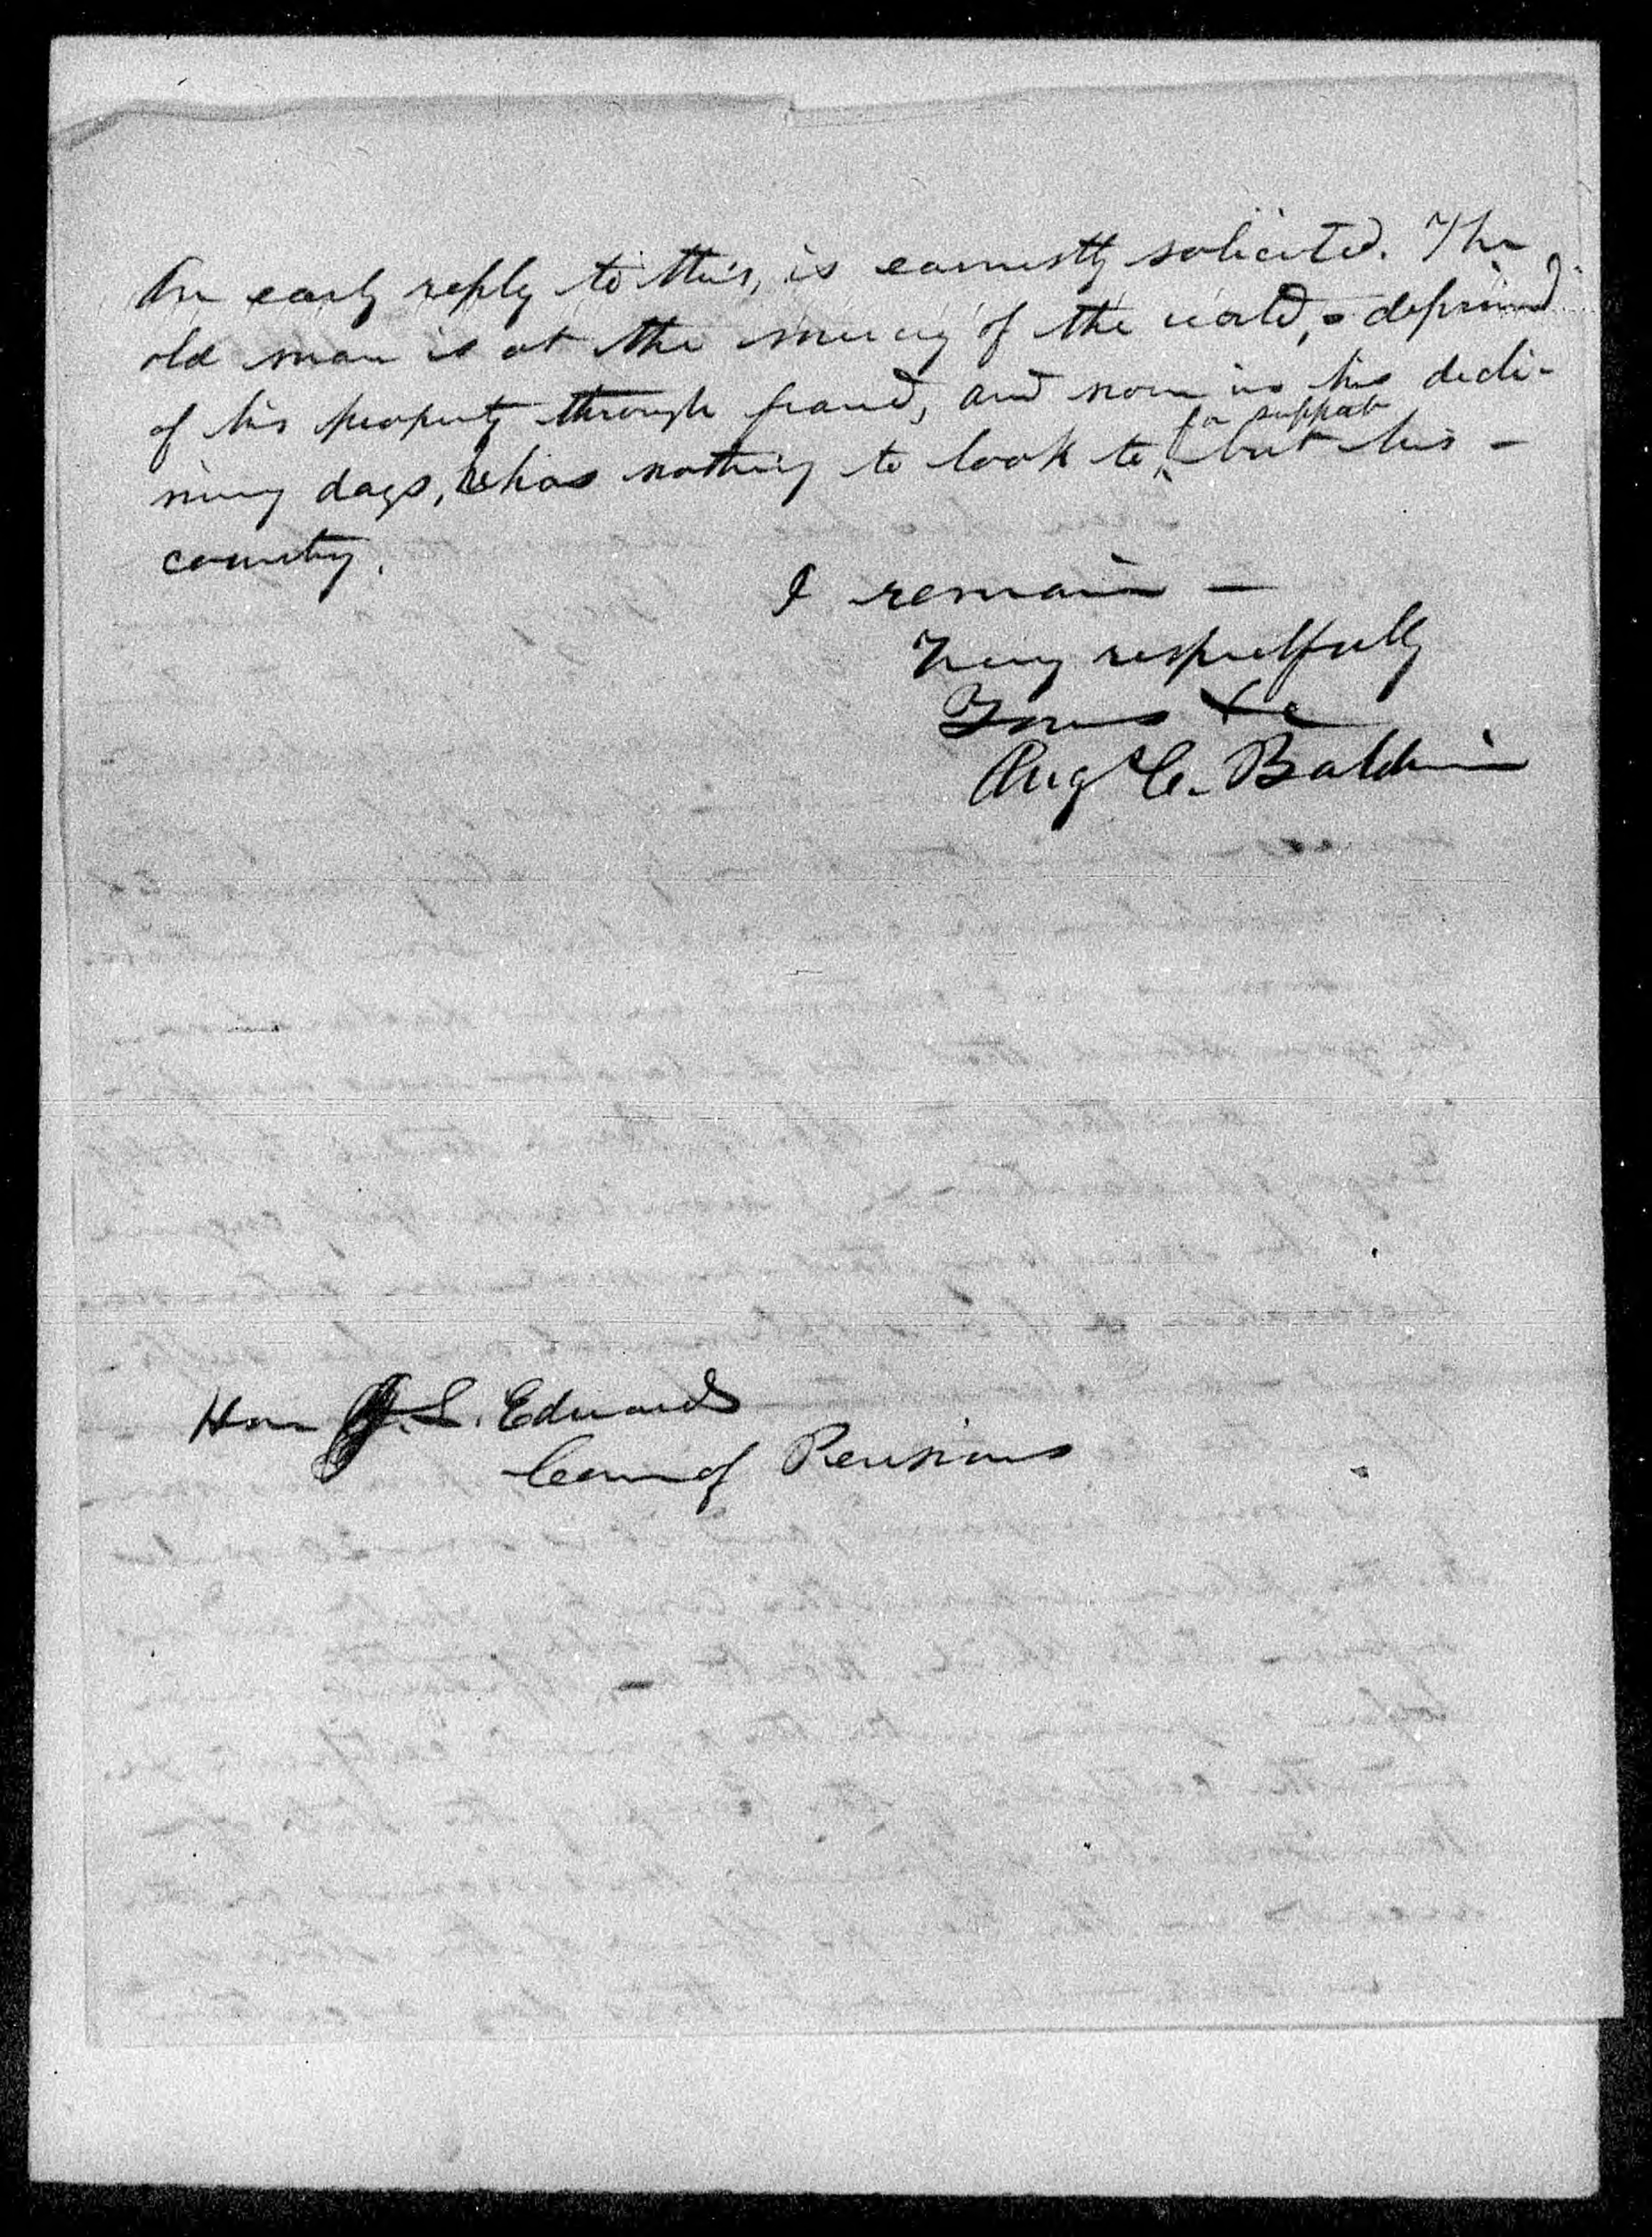In early reply to this is earnestly solicited. The old man is at the mercy of the world deprived of his property through fraud, and now in his declining days, has nothing to look to for support but his country.

I remain
Very respectfully yours
Angs C. Baldwin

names: J L Edwards, Angs C Baldwin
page: 60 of 66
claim: rejected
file: R. 4298, Samuel Gregory, New York